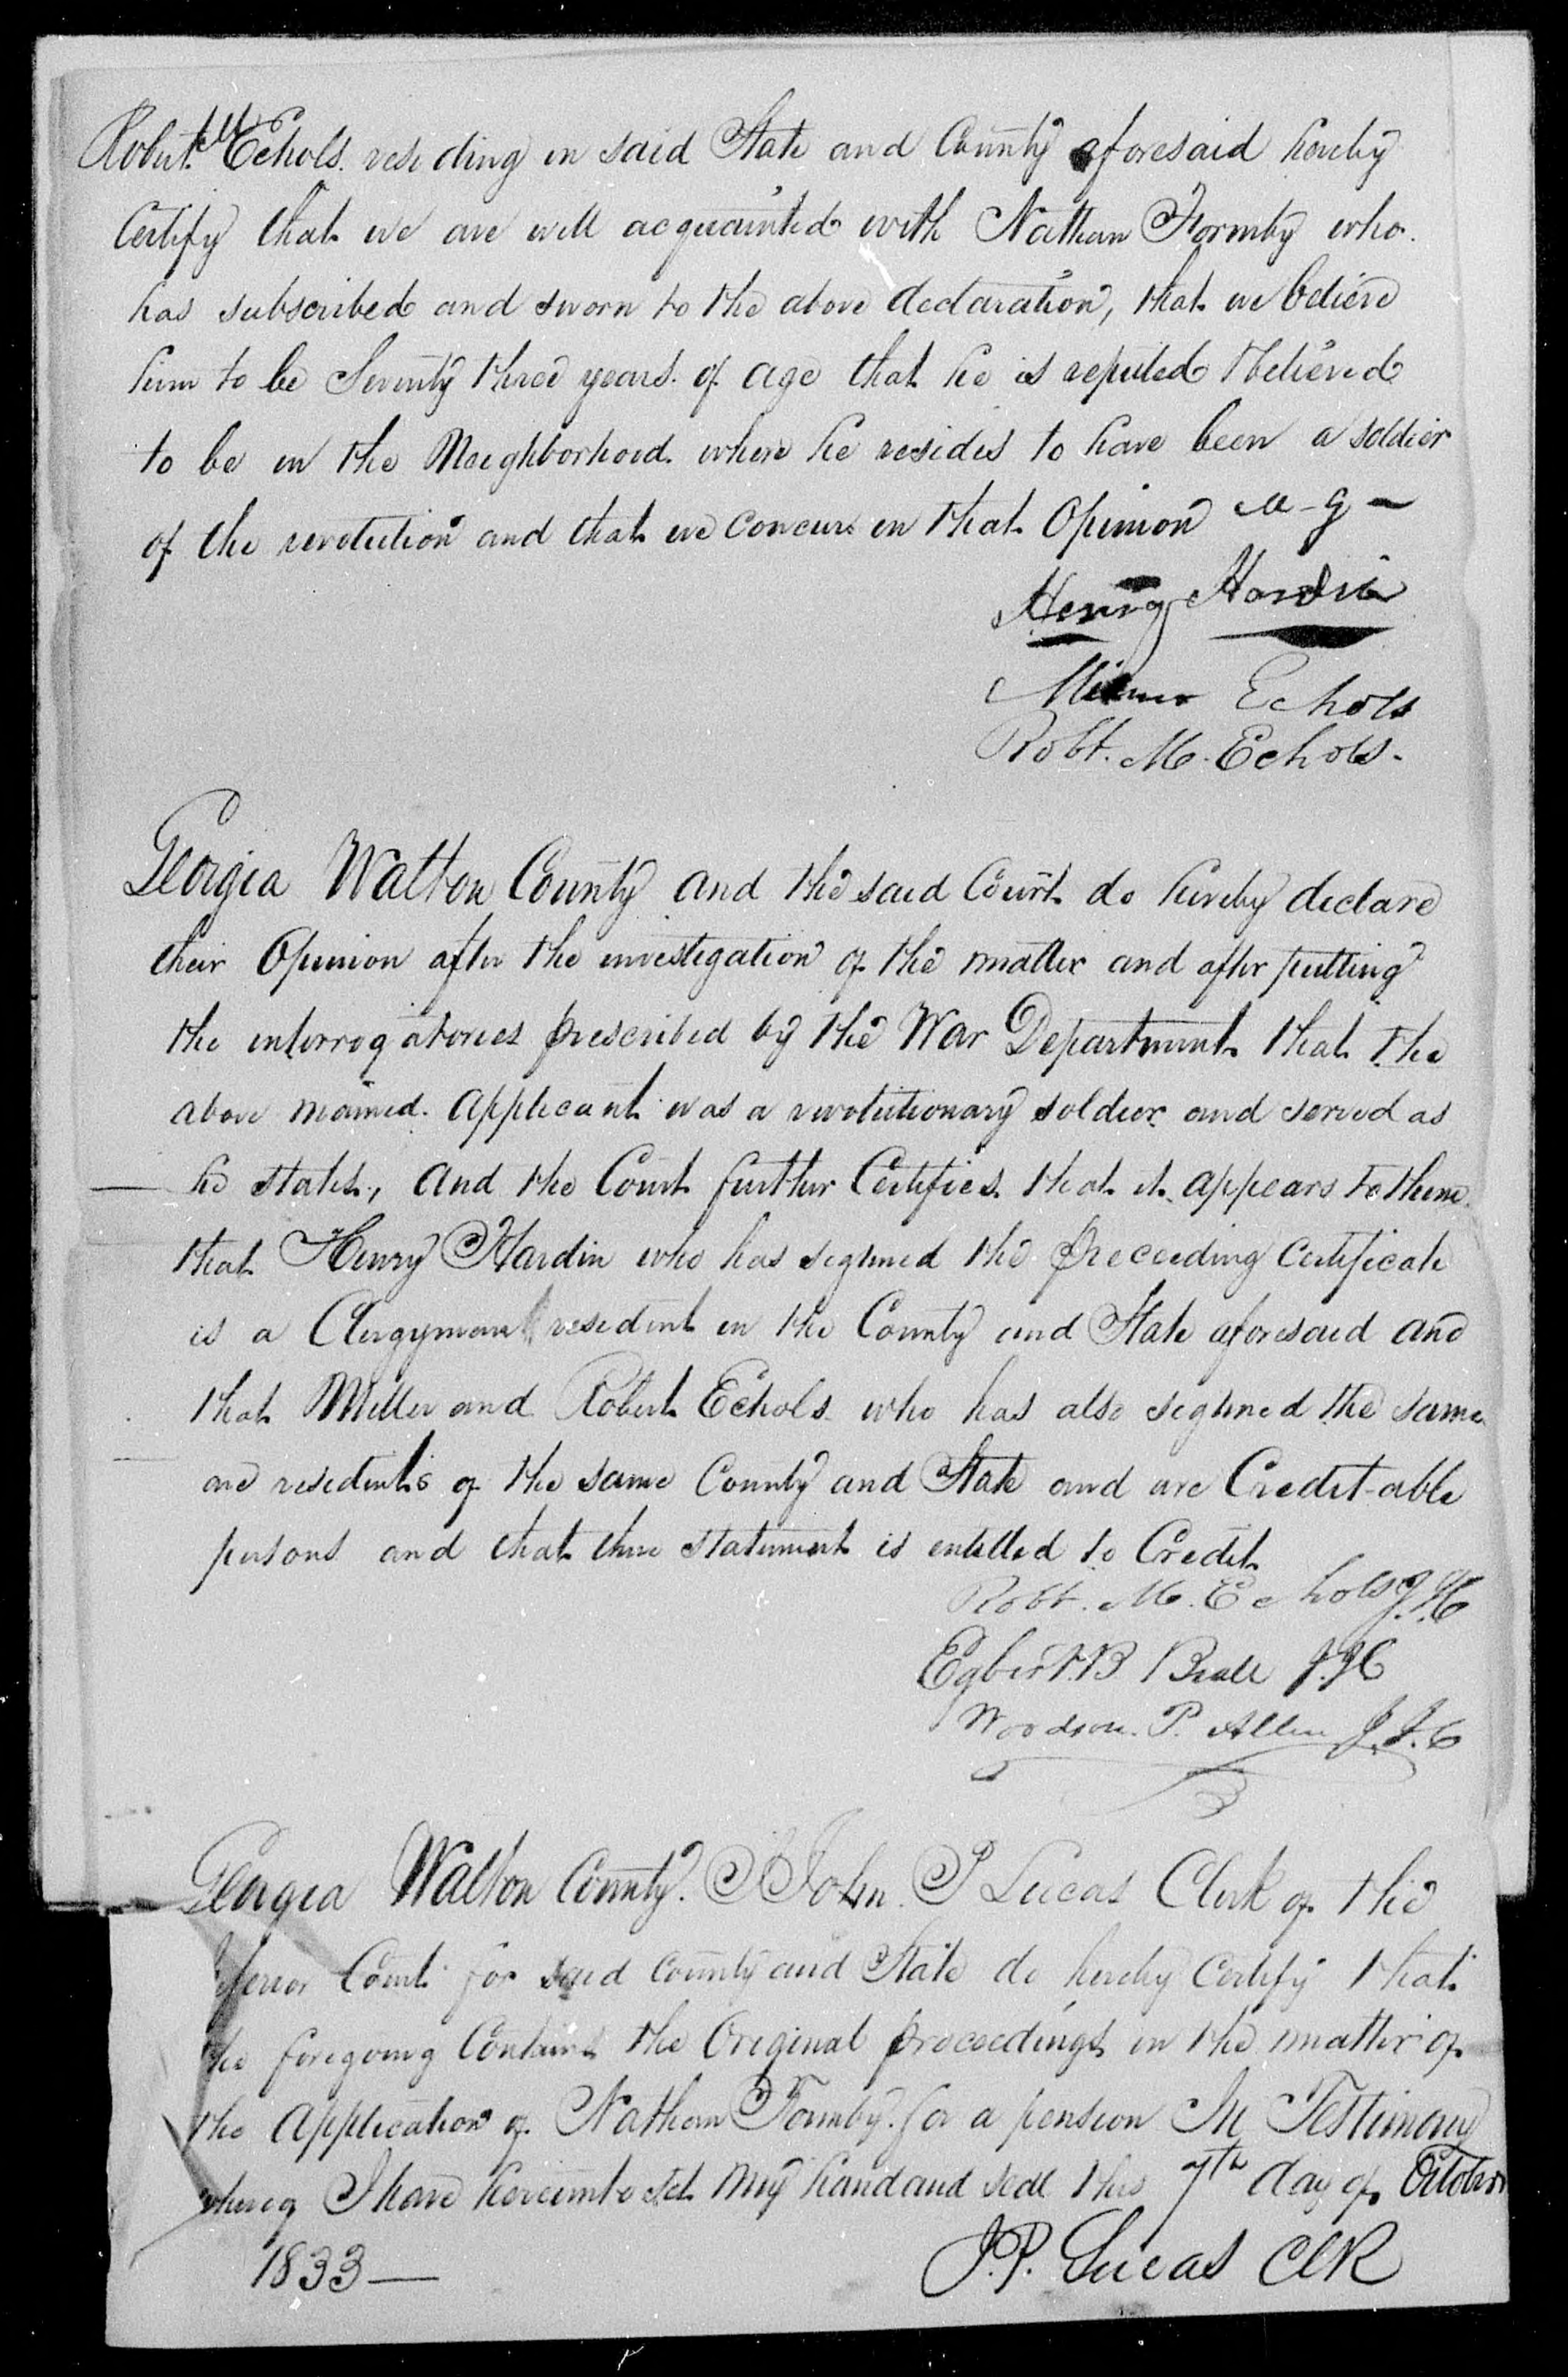Robert M Echols. residing in said State and County aforesaid hereby Certify that we are well acquainted with Nathan Formby who has subscribed and sworn to the above declaration, that we believe him to be Seventy three years of age that he is reputed & believed to be in the Neighborhood where he resides to have been a soldier of the revolution and that we concur in that Opinion m-g ~
Henry Hardin
Miller Echols
Robt. M. Echols.

Georgia Walton County and the said Court do hereby declare their Opinion after the investigation of the matter and after putting the interrogatories prescribed by The War Department that the above named Applicant was a revolutionary soldier and served as he states, And the Court further Certifies that it appears to them that Henry Hardin who has signed the Preceding Certificate is a Clergyman resident in the County and State aforesaid and that Miller and Robert Echols who have signed the same and residents of the same County and State and are Creditable persons and that their statement is entitled to Credit
Robt. M Echols J.I.C.
Egbert B Beall J.IC
Woodson. P. Allen J.I.C

Georgia Walton County. I John P Lucas Clerk of the Inferior Court for said County and State do hereby Certify that the foregoing Contains the Original proceedings in the matter of the Application of Nathan Formby for a pension In Testimony whereof I have hereunto set my hand and seal this 7th day of October 1833 -
J. P. Lucas Clk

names: Nathan Formby, Nathan Formby, Robert Echols, Robt M Echols, John P Lucas, Woodson P Allen, Robert Echols, Miner Echols, Egbert B Beall, Robt M Echols, Henry Hardin, J P Lucas, Henry Hardin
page: 52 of 54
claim: widow's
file: W. 3794, Nathan Formby, Va.